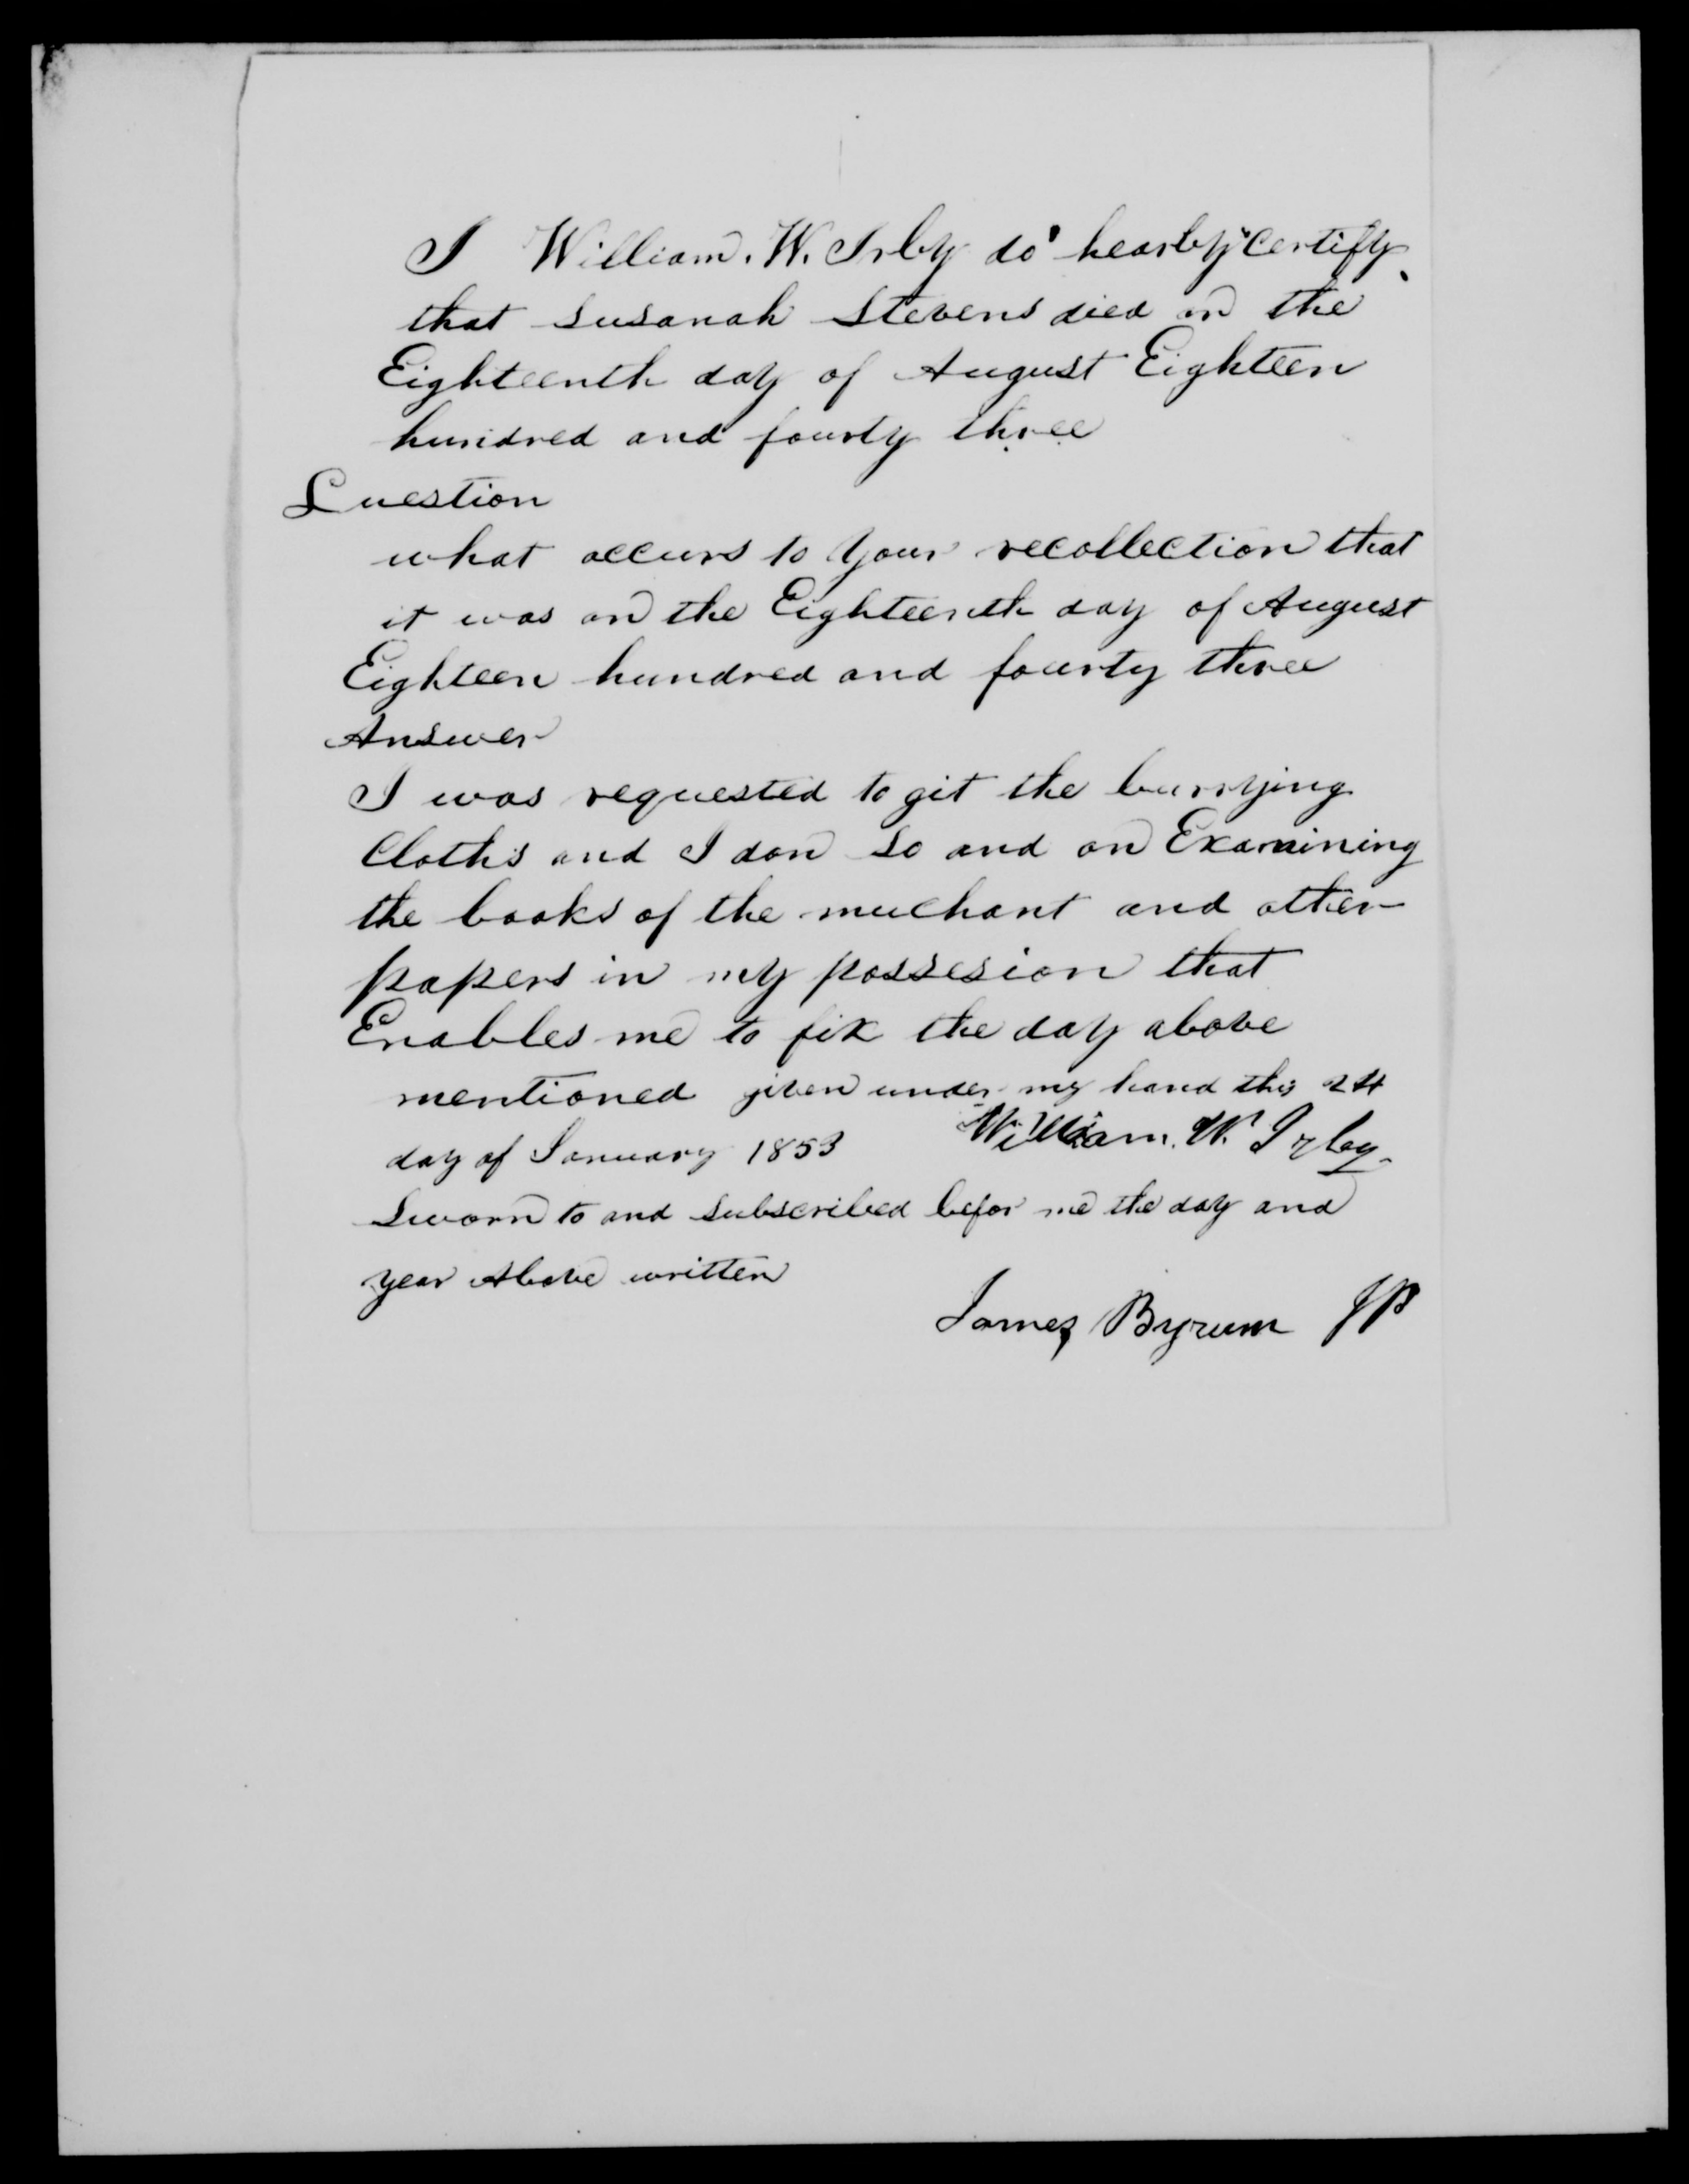I William W. Irby do hearby certify
that Susannah Stevens died on the
Eighteenth day of August Eighteen
hundred and fourty three
Question
what occurs to your recollection that
it was an the Eighteenth day of August
Eighteen hundred and fourty three
Answer
I was requested to get the burying
Cloths and I don so and on Examining
the books of the merchant and other
papers in my possession that
Enables me to fix the day above
mentioned given under my hand this 24
day of January 1853
William W. Irby
Sworn to and subscribed before me the day and
year above written
James Byrum JP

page: 60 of 99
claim: widow's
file: W 8766, for James Stevens, Virginia